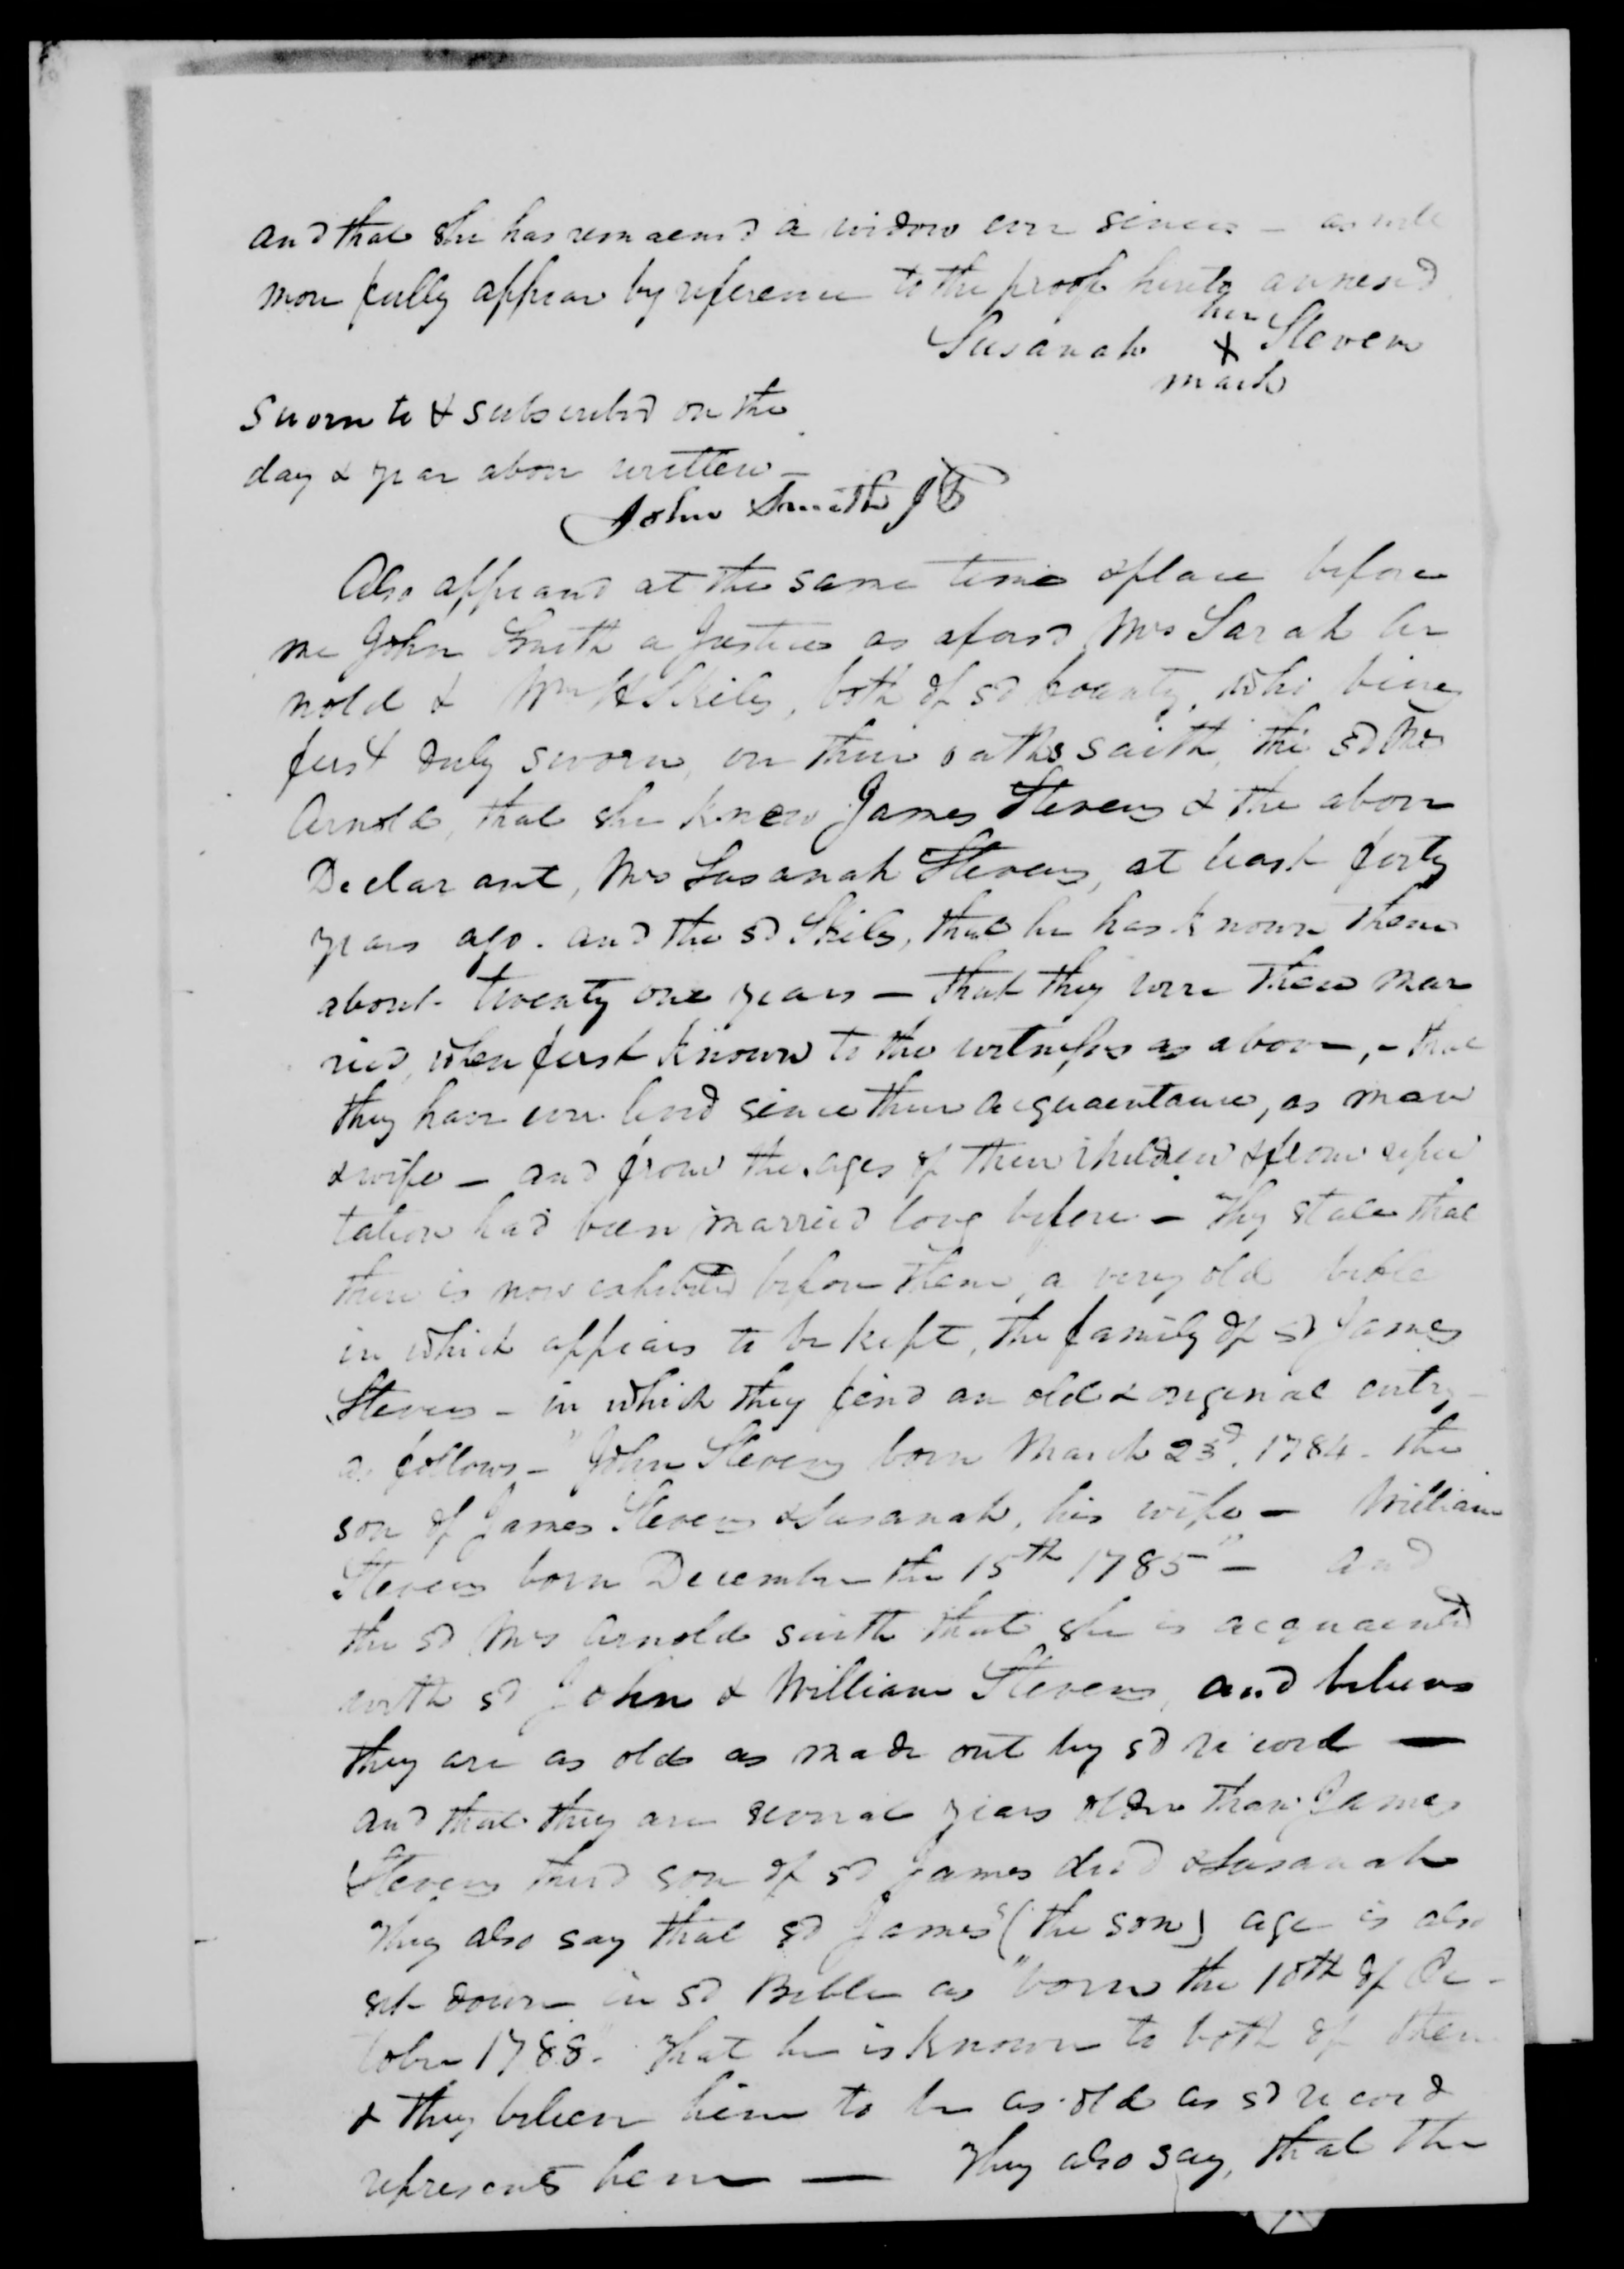and that she has remained a widow ever since - as will
more fully appear by reference to the proof hereto annexed.
Her mark
Susannah Stevens
Sworn to & subscribed on the
day & year above written -
John Smith JD
Also appeared at the same time place before
me John Smith a Justice as afore Mrs Sarah
Arnold & Wm H. Skily, both of said County, who being
first duly sworn on their oaths saith the said Mrs Arnold, that she knew James Stevens & the above
Declarant, Mrs Susanah Stevens at least forty
years ago and said Skily that he has known them
about twenty one years - that they were then married, when first known to the witnesses as above, that
they have continued since their acquaintance, as man
& wife - and from the ages of the children [illegible]
had been married long before-- They state that
there is now exhibited belove them a very old bible
in which appears to be kept the family of said James
Stevens - in which they find an old & original entry
as follows - John Stevens born March 23rd 1784 the
son of James Stevens & Susanah his wife - William
Stevens born December the 15th 1785 - And
the said Mrs Arnold saith that she is acquainted with
John & William Stevens, and believes
they are as old as made out by said record
and that they are several years older than James
Stevens third son of said James & Susanah.
They also say that said James (the son, age is also
set down in said Bible as "born the 18th of
October 1788. That he is known to both of them
& they believe him to be as old as said record
represents him. They also say, that the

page: 10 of 99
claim: widow's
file: W 8766, for James Stevens, Virginia